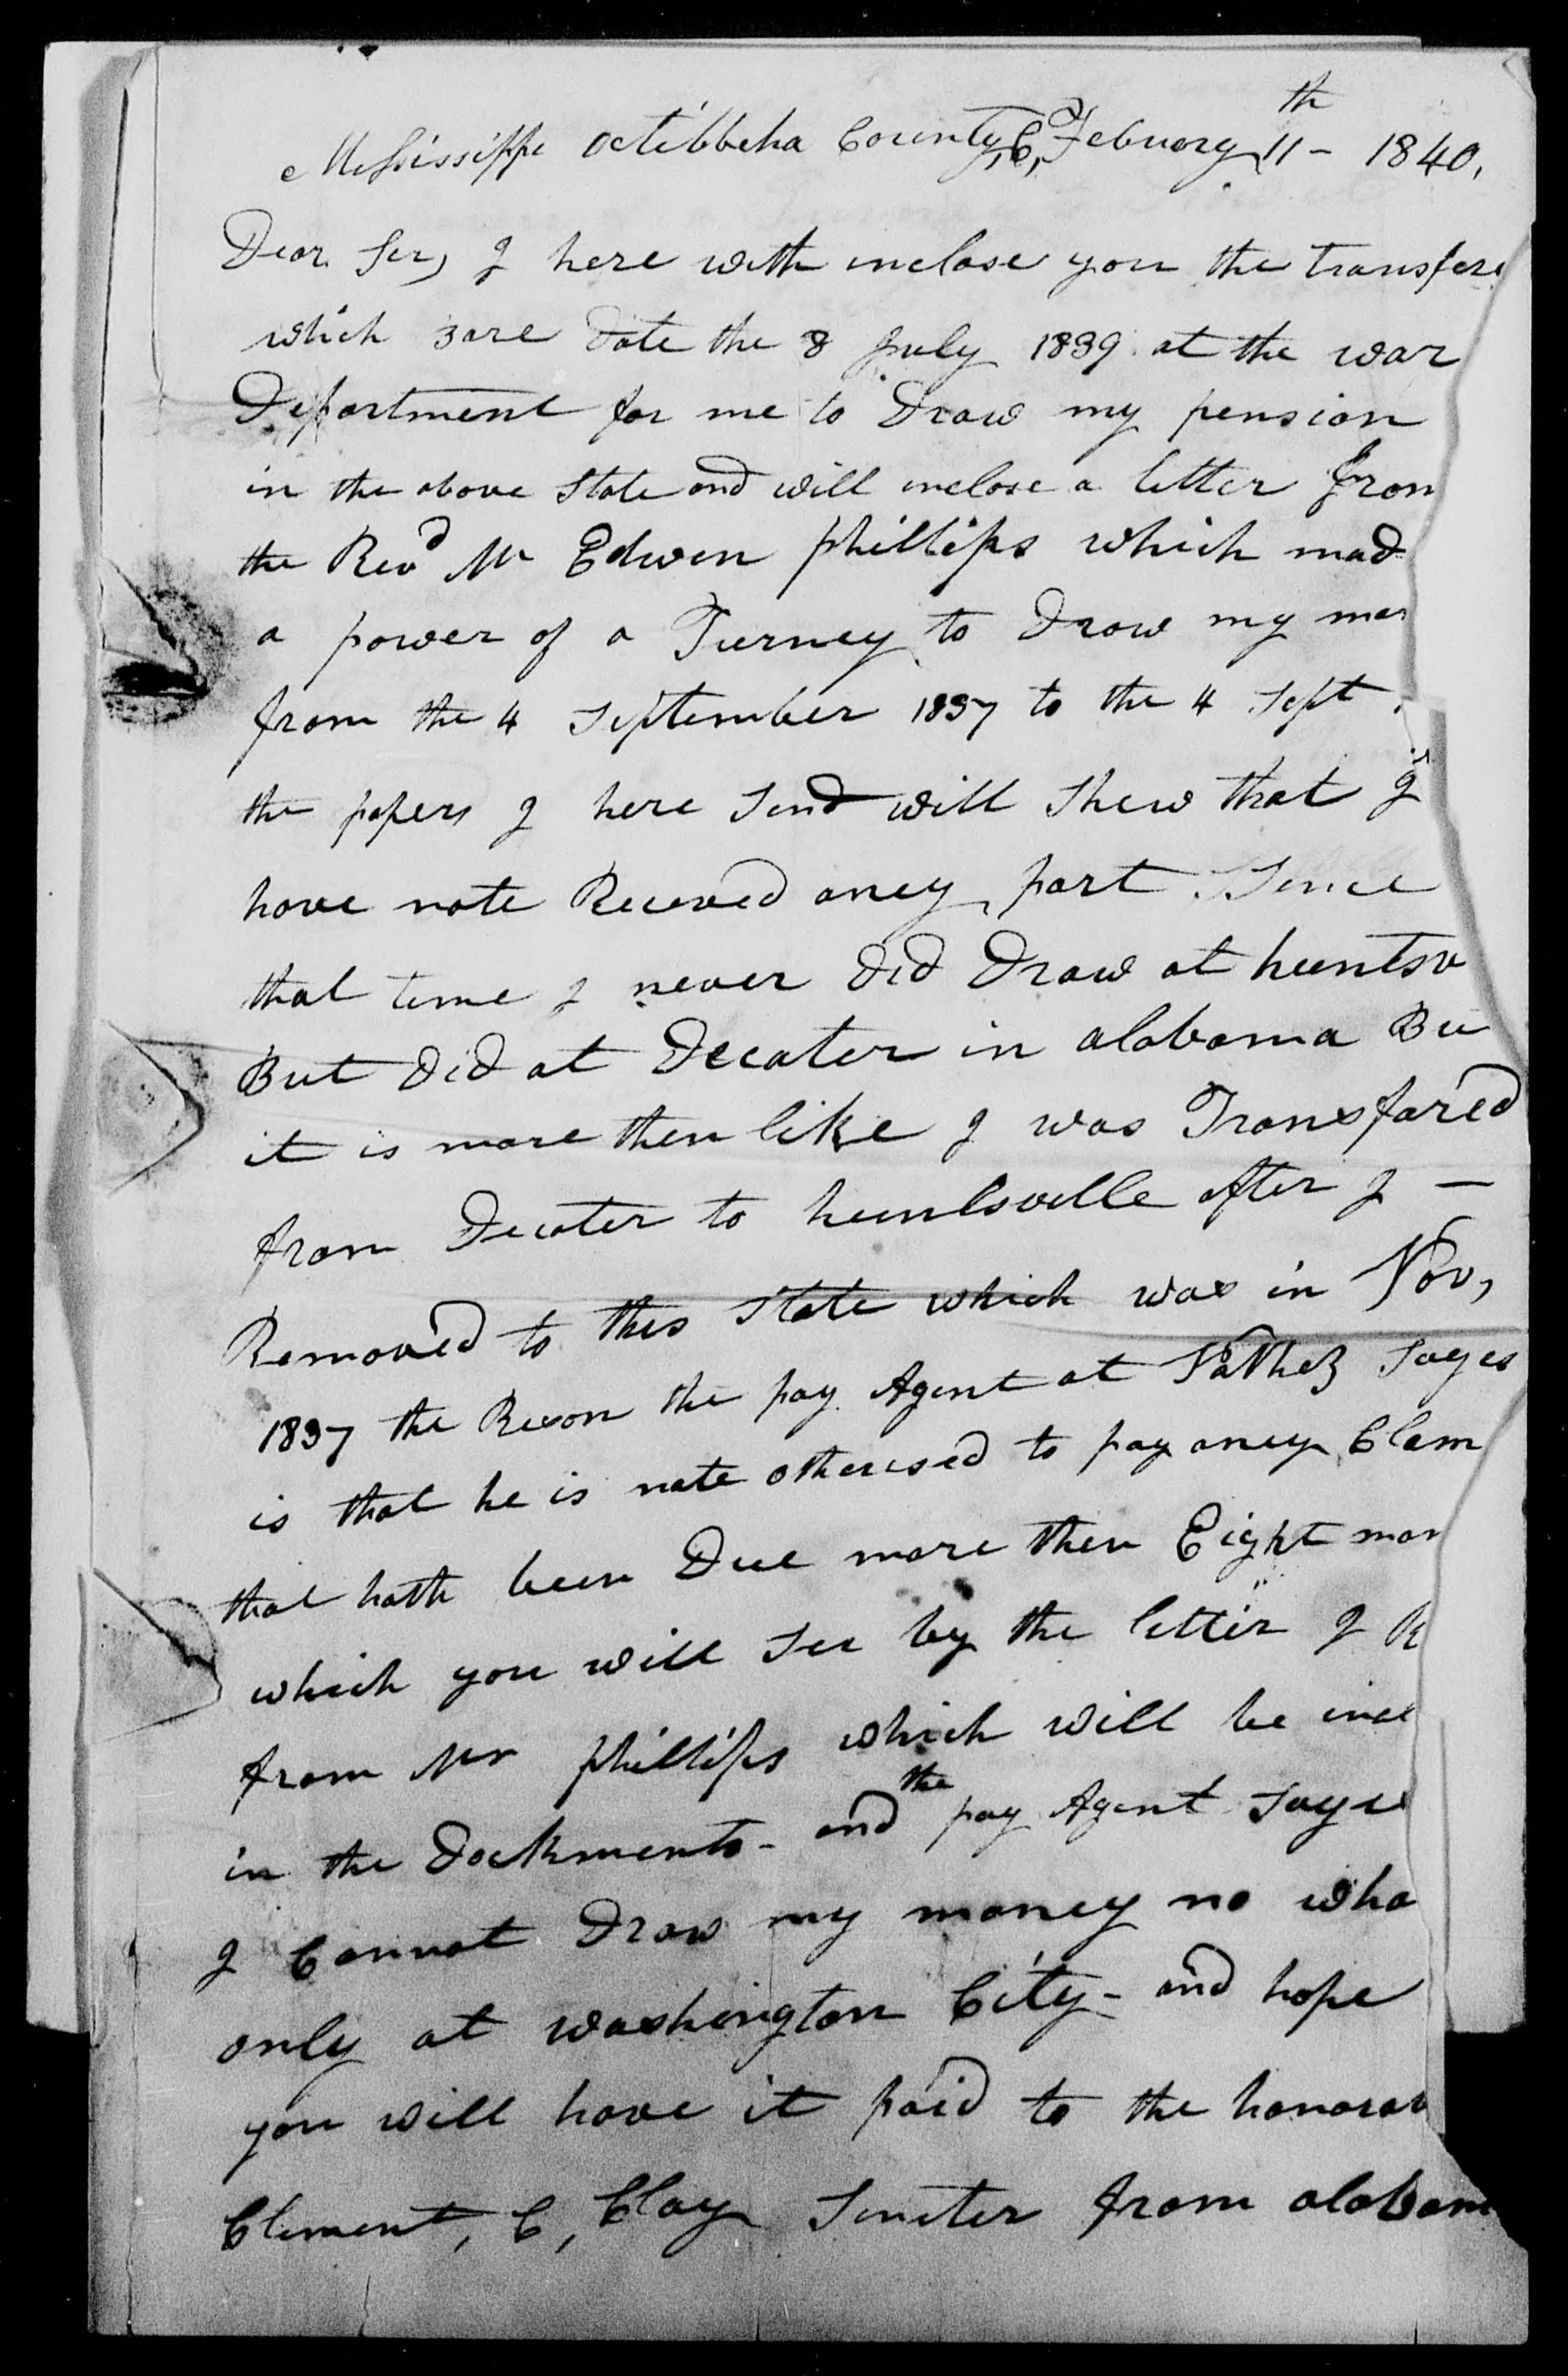Mississippi Octibbeha County, February 11. 1840
Dear Sir I herewith inclose you the transfers which are date the 8 July 1839, at the war department for me to draw my pension in the above state and will enclose a letter from the Revd Mr Edwin Phillips which made
a power of a Turney to draw my money from the 4 September 1837 to the 4 Sept. the papers I here send will shew that I have not received any part since that time I never did draw at huntsville But did at Decater in Alabama But it is more then like I was Transfared from Decater to huntsville after I Removed to this State which was in Nov 1837 the Reson the pay
Agent at Nachez sayes is that he is note otherised to pay any Clam
that hath been due more then Eight months which you will see by the letter I had from Mr Phillips which will be included in the Dockments and the pay Agent sayes I Cannot draw my money no whare only at Washington City and hope you will have it paid to the honored Clement C Clay Seneter from Alabama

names: Edwin Phillips, Phillips, Clement C Clay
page: 84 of 85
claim: widow's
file: W. 5,906, John Brown, S.C.